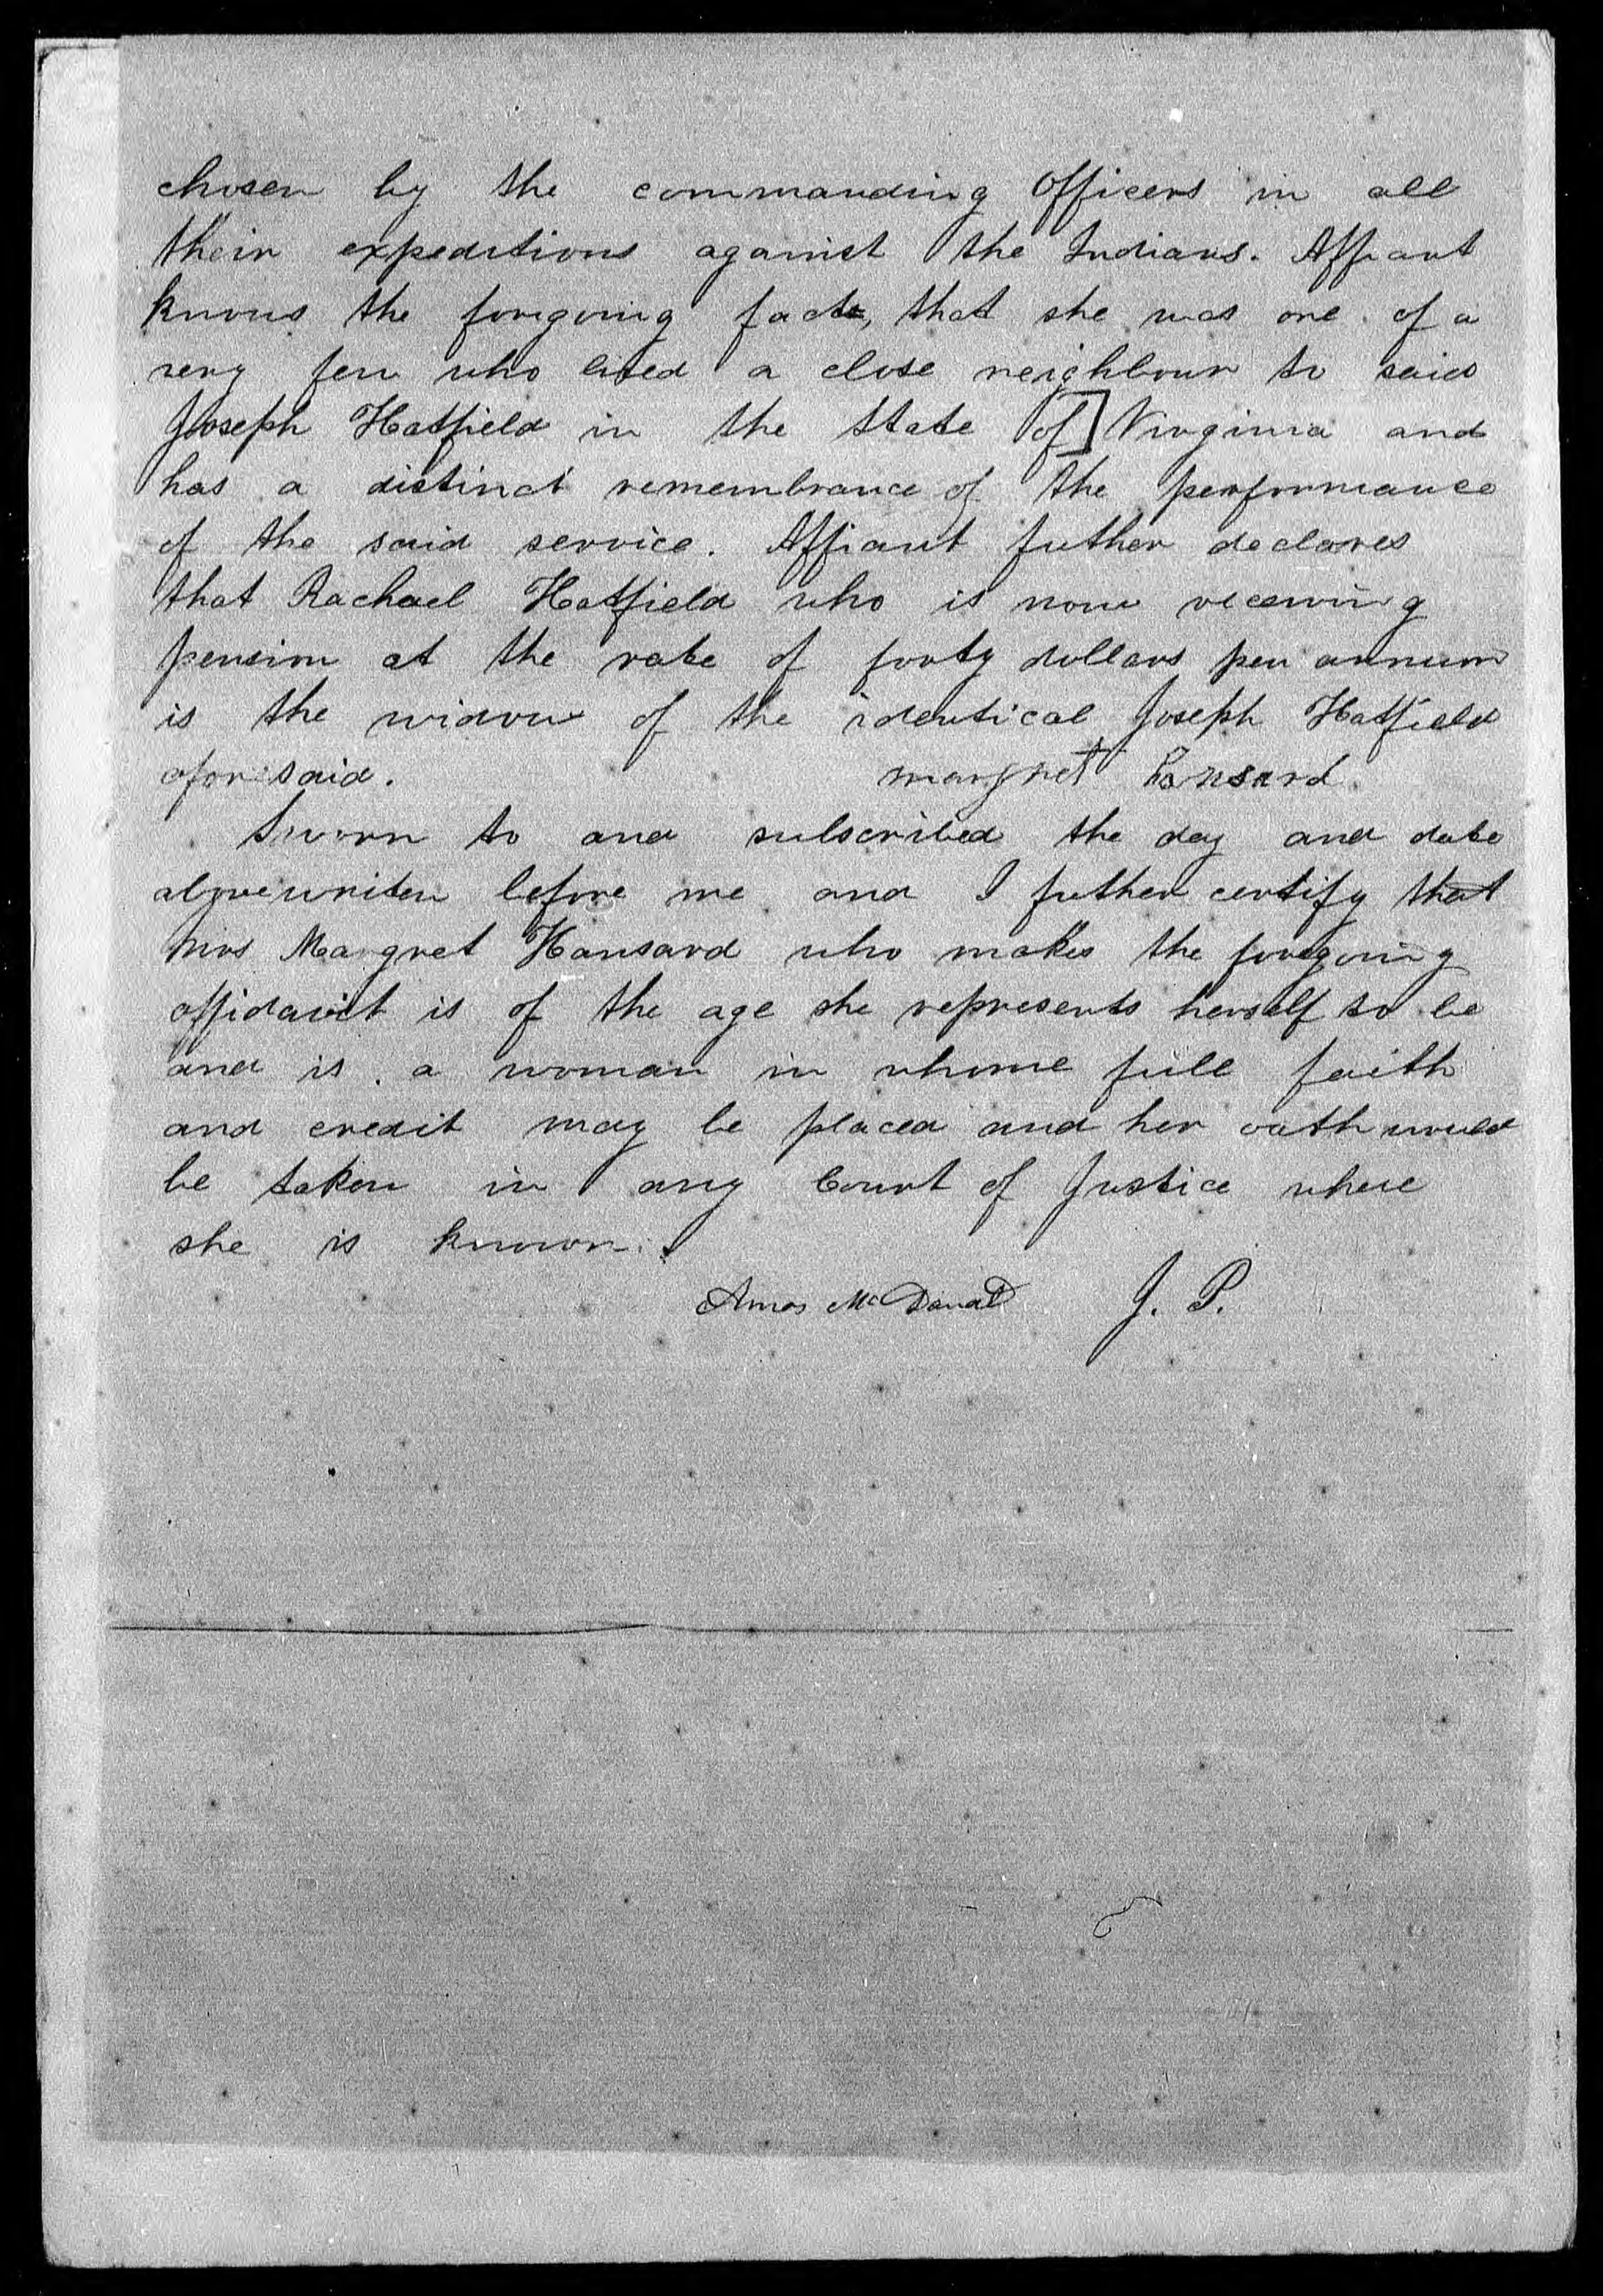chosen by the commanding Officers in all
their expeditions against the Indians. Affiant
knows the foregoing facts, that she was one of a
very few who lived a close neighbour to said
Joseph Hatfield in the State of] Virginia and
has a distinct remembrance of the performance
of the said service. Affiant further decalres
that Rachel Hatfield who is now receiving
pension at the rate of forty dollars per annum
is the widow of the identical Joseph Hatfield
aforesaid. Margret hansard
Sworn to and subscribed the day and date
above written before me and I further certify that
Mrs. Margret Hansard who makes the foregoing
affidavit is of the age she represents herself to be
and is a woman in whome full faith
and credit may be placed and her oath would
be taken in any Court of Justice where
she is known.
Amos McDonald J. P.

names: Joseph Hatfield, Rachael Hatfield, Margret Hansard, Amos Mc Donald, Margret Hansard, Joseph Hatfield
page: 29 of 74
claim: widow's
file: W. 5, Joseph Hatfield, Va.